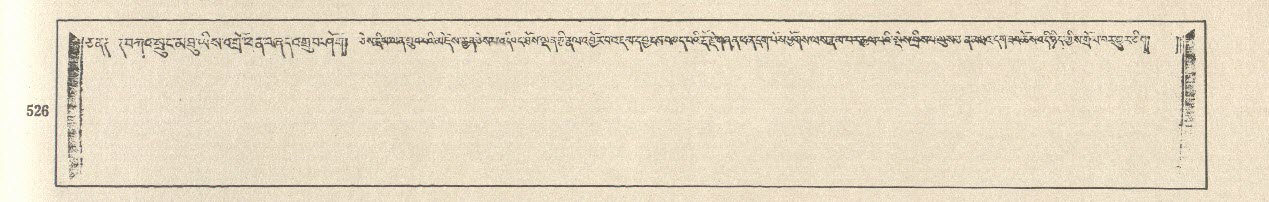ཅན༑ ༑བཀའ་སྲུང་མཐུ་ཡིས་འགྲོ་ཕན་བཞད་འགྲུབ་ཤོག། ཅེས་དྲིས་ལན་གྲུབ་པའི་མཛེས་རྒྱན་ཅེས་པ་འདིའང་ཐོས་ལྡན་གྱི་རྣལ་འབྱོར་པ་འཇམ་དབྱངས་བཞད་པའི་རྡོ་རྗེ་གཞན་ཕན་དྲག་པོས་ཕྱོགས་ལས་རྣམ་པར་རྒྱལ་བའི་སྡེས་བྲིས་པ་ལུས་ཅན་མཐའ་དག་ཟབ་ཆོས་འདི་ཉིད་ཀྱིས་གྲེལ་བར་གྱུར་ཅིག། །